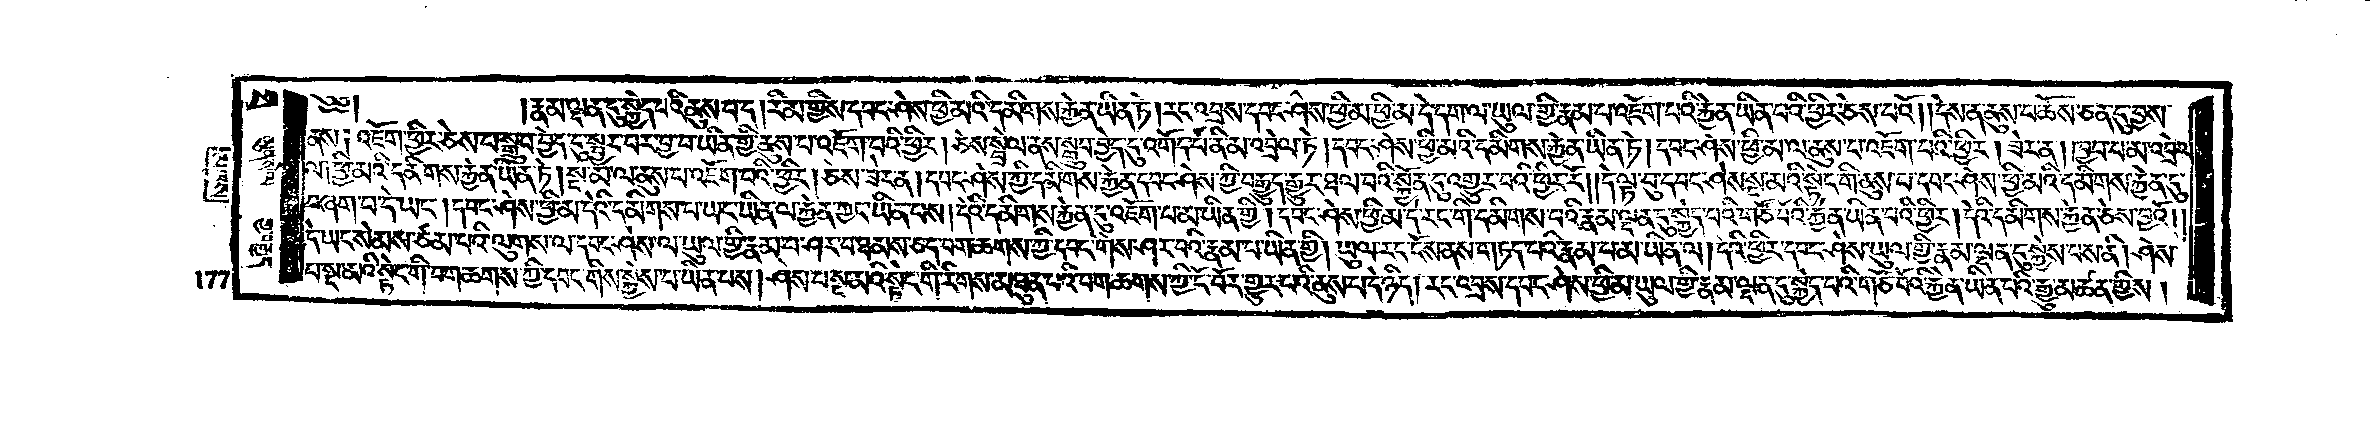༄༅། །རྣམ་ལྡན་དུ་སྐྱེད་པའི་ནུས་པ་དེ། རིམ་གྱིས་དབང་ཤེས་ཕྱི་མའི་དམིགས་རྐྱེན་ཡིན་ཏེ། རང་འབྲས་དབང་ཤེས་ཕྱི་མ་ཕྱི་མ་དེ་དག་ལ་ཡུལ་གྱི་རྣམ་པ་འཇོག་པའི་རྐྱེན་ཡིན་པའི་ཕྱིར་ཅེས་པའོ། །དེས་ན་ནུས་པ་ཆོས་ཅན་དུ་བྱས་
ནས༑ འཇོག་ཕྱིར་ཅེས་པ་སྒྲུབ་བྱེད་དུ་སྦྱར་བར་བྱ་བ་ཡིན་གྱི་ནུས་པ་འཇོག་པའི་ཕྱིར། ཅེས་སྤྲེལ་?་ནས་སྒྲུབ་བྱེད་དུ་འགོད་པོ་ནི་མ་འབྲེལ་ཏེ། དབང་ཤེས་ཕྱི་མའི་དམིགས་རྐྱེན་ཡིན་ཏེ། དབང་ཤེས་ཕྱི་མ་ལ་ནུས་པ་འཇོག་པའི་ཕྱིར། ཟེར་ན། ཁྱབ་པ་མ་འབྲེལ་
ལ༑ ཕྱི་མའི་དམིགས་རྐྱེན་ཡིན་ཏེ། སྔ་མ་ལ་ནུས་པ་འཇོག་པའི་ཕྱིར། ཅེས་ཟེར་ན། དབང་ཤེས་ཀྱི་དམིགས་རྐྱེན་དབང་ཤེས་ཀྱི་བརྒྱུད་རྒྱུར་ཐལ་བའི་སྐྱོན་དུ་འགྱུར་བའི་ཕྱིར་རོ། །དེ་ལྟ་བུ་དབང་ཤེས་སྔ་མའི་སྟེང་གི་ནུས་པ་དབང་ཤེས་ཕྱི་མའི་དམིགས་རྐྱེན་དུ་
བཞག་པ་དེ་ཡང་། དབང་ཤེས་ཕྱི་མ་དེའི་དམིགས་པ་ཡང་ཡིན་ལ་རྐྱེན་ཀྱང་ཡིན་པས། དེའི་དམིགས་རྐྱེན་དུ་འཇོག་པ་མ་ཡིན་གྱི། དབང་ཤེས་ཕྱི་མ་དེ་རང་གི་དམིགས་པའི་རྣམ་ལྡན་དུ་སྐྱེད་པའི་གཙོ་བོའི་རྐྱེན་ཡིན་པའི་ཕྱིར། དེའི་དམིགས་རྐྱེན་ཅེས་བྱའོ། །
དེ་ཡང་སེམས་ཙམ་པའི་ལུགས་ལ་དབང་ཤེས་ལ་ཡུལ་གྱི་རྣམ་པ་ཤར་བ་ཐམས་ཅད་བག་ཆགས་ཀྱི་དབང་གིས་ཤར་བའི་རྣམ་པ་ཡིན་གྱི། ཡུལ་རང་ངོས་ནས་གཏད་པའི་རྣམ་པ་མ་ཡིན་ལ། དེའི་ཕྱིར་དབང་ཤེས་ཡུལ་གྱི་རྣམ་ལྡན་དུ་སྐྱེས་པས་ནི། ཤེས་
པ་སྔ་མའི་སྟེང་གི་བག་ཆགས་ཀྱི་དབང་གིས་སྐྱེས་པ་ཡིན་པས། ཤས་པ་སྔ་མའི་སྟེང་གི་རིགས་མཐུན་པའི་བག་ཆགས་ཀྱི་ངོ་བོར་གྱུར་པའི་ནུས་པ་དེ་ཉིད། རང་འབྲས་དབང་ཤེས་ཕྱི་མ་ཡུལ་གྱི་རྣམ་ལྡན་དུ་སྐྱེད་པའི་གཙོ་བོའི་རྐྱེན་ཡིན་པའི་རྒྱུ་མཚན་གྱིས།